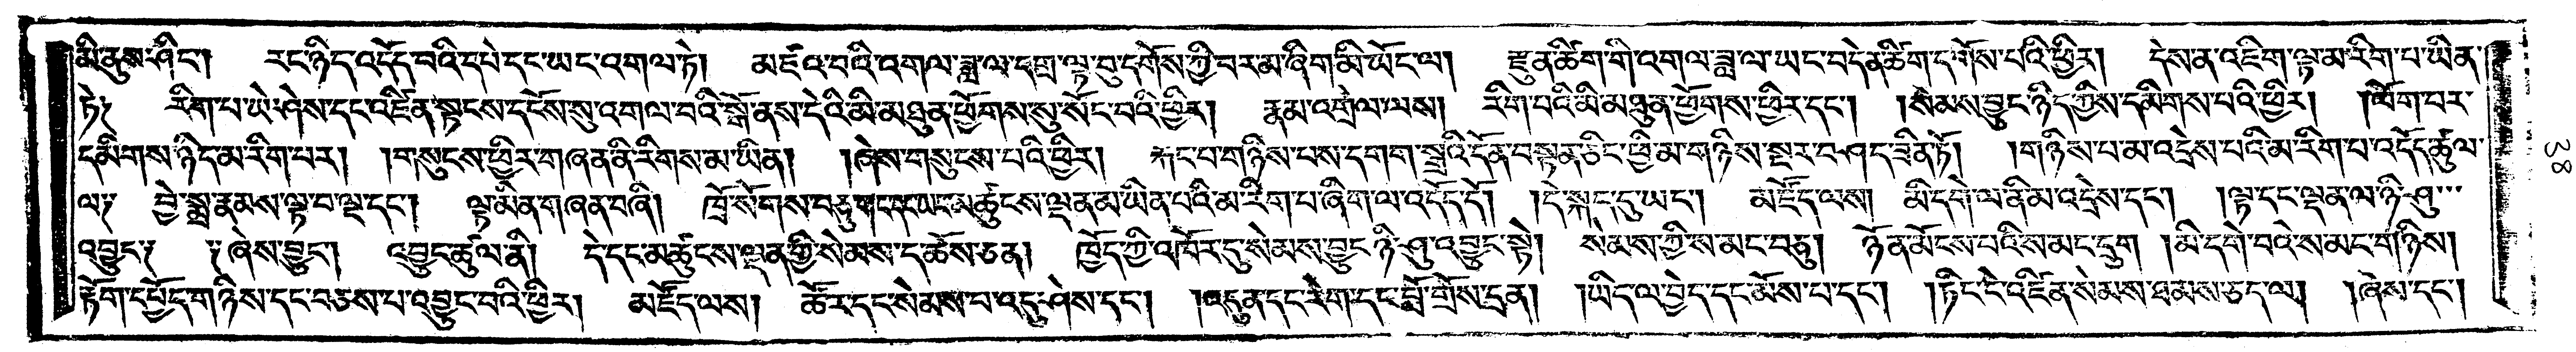མི་ནུས་ཤིང་། རང་ཉིད་འདོད་པའི་དཔེ་དང་ཡང་འགལ་ཏེ། མཛའ་བའི་འགལ་ཟླ་ལ་དགྲ་ལྟ་བུ་དགོས་ཀྱི་བར་མ་ཞིག་མི་ཡོང་ལ། རྫུན་ཚིག་གི་འགལ་ཟླ་ལ་ཡང་བདེན་ཚིག་དགོས་པའི་ཕྱིར། དེས་ན་འཇིག་ལྟ་མ་རིག་པ་ཡིན་
ཏེ༑ རིག་པ་ཡེ་ཤེས་དང་འཛིན་སྟངས་དངོས་སུ་འགལ་པའི་སྒོ་ནས་དེའི་མི་མཐུན་ཕྱོགས་སུ་སོང་བའི་ཕྱིར། རྣམ་འགྲེལ་ལས། རིག་བའི་མི་མཐུན་ཕྱོགས་ཕྱིཊ་དང་། །སེམས་བྱུང་ཉིད་ཀྱིས་དམིགས་པའི་ཕྱིར། །ལོག་པར་
དམིགས་ཉིད་མ་རིག་པར། །གསུངས་ཕྱིར་གཞན་ནི་རིགས་མ་ཡིན། །ཞེས་གསུངས་པའི་ཕྱིར། རྐང་པ་གཉིས་པས་དགག་སྒྲའི་དོན་བསྟན་ཅིང་ཕྱི་མ་གཉིས་སྔར་བཤད་ཟིན་ཏོ། །གཉིས་པ་མ་འདྲེས་པའི་མ་རིག་པ་འདོད་ཚུལ་
ལ༑ བྱེ་སྨྲ་རྣམས་ལྟ་བ་ལྔ་དང་། ལྟ་མིན་གཞན་བཞི། ཁྲོ་སོགས་བཅུ་གང་དང་ཡང་མཚུངས་ལྡན་མ་ཡིན་པའི་མ་རིག་པ་ཞིག་ལ་འདོད་དོ། །དེ་སྐད་དུ་ཡང་། མཛོད་ལས། མི་དགེ་ལ་ནི་མ་འདྲེས་དང་། །ལྟ་དང་ལྡན་ལ་ཉི་ཤུ་
འབྱུང༑ ༑ཞེས་བྱུང་། འབྱུང་ཚུལ་ནི། དེ་དང་མཚུངས་ལྡན་གྱི་སེམས་ད་ཆོས་ཅན། ཁྱོད་ཀྱི་འཁོར་དུ་སེམས་བྱུང་ཉི་ཤུ་འབྱུང་སྟེ། སེམས་ཀྱི་ས་མང་བཅུ། ཉོན་མོངས་བའི་ས་མང་དྲུག །མི་དགེ་བའི་ས་མང་གཉིས།
རྟོག་དཔྱོད་གཉིས་དང་བཅས་པ་འབྱུང་བའི་ཕྱིར། མཛོད་ལས། ཚོར་དང་སེམས་པ་འདུ་ཤེས་དང་། །འདུན་དང་རེག་དང་བློ་གྲོས་དྲན། །ཡིད་ལ་བྱེད་དང་མོས་པ་དང་། །ཏིང་ངེ་འཛིན་སེམས་ཐམས་ཅད་ལ། །ཞེས་དང་།